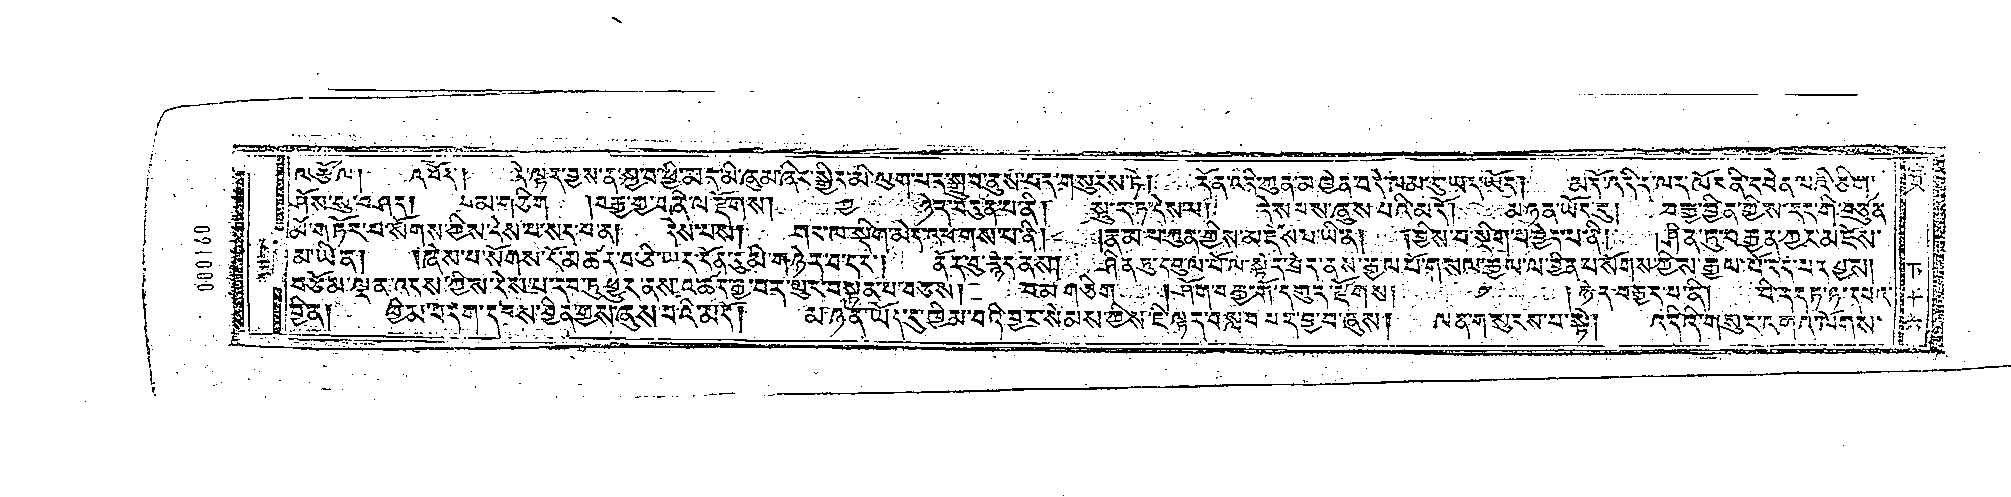ལ་རྩོལ། འབོད། དེ་ལྟར་བྱས་ན་སྐྱེ་བ་ཕྱི་མར་མི་ཞུམ་ཞིང་སྒྱིད་མི་ལུག་པར་སྒྲུབ་ནུས་པར་གསུངས་ཏེ། དོན་འདི་ཀུན་མཁྱེན་བདེ་ལམ་དུ་ཡང་ཡོད། མདོ་འདིར་ལང་ལོང་ནི་དབེན་པའི་ཅིག་
ཤོས་སུ་བཤད། བམ་གཅིག །བརྒྱ་གྱ་བཞི་ལ་རྫོགས། ༧་ཉེར་བདུན་པ་ནི། སཱུ་ར་ཏ་དེས་པ། དེས་པས་ཞུས་པའི་མདོ། མཉན་ཡོད་དུ། བརྒྱ་བྱིན་ཀྱིས་རང་གི་བཙུན་
མོ་གཏོང་པ་སོགས་ཀྱིས་ངེས་པ་སད་པ་ན། དེས་པས། གང་ལ་སྡིག་མེད་འཕགས་པ་ནི། །རྣམ་པ་ཀུན་གྱིས་མཛེས་པ་ཡིན། །བྱིས་པ་སྡིག་པ་བྱེད་པ་ནི། །ཤིན་ཏུ་བརྒྱན་ཀྱང་མཛེས་
མ་ཡིན། །ཞེས་པ་སོགས་ངོ་མཚར་བ་ཅི་ཡང་དོན་དུ་མི་གཉེར་བ་དང་། ནོར་བུ་རྙེད་ནས། ཤིན་ཏུ་དབུལ་པོ་ལ་སྟེར་ཟེར་ནས་རྒྱལ་པོ་གསལ་རྒྱལ་ལ་བྱིན་པ་སོགས་ཀྱིས་རྒྱལ་པོ་དད་པར་བྱས།
བཅོམ་ལྡན་འདས་ཀྱིས་ངེས་པ་རབ་ཏུ་ཕྱུང་ནས་འཚད་རྒྱ་བར་ལུང་བསྟན་པ་བཅས། བམ་གཅིག །ཤོག་བརྒྱ་གོ་དགུར་རྫོགས། ༧་།ཉེར་བརྒྱད་པ་ནི། བི་རང་ཏ་ཏ་དཔའ་
བྱིན། ཁྱིམ་བདག་དཔས་བྱིན་གྱིས་ཞུས་པའི་མདོ། མཉེན་ཡོད་དུ་ཁྱིམ་པའི་བྱང་སེམས་ཀྱིས་ཇི་ལྟར་བསླབ་པར་བྱ་བ་ཞུས། ལན་གསུངས་པ་སྟེ། འདིའི་གསུང་འགའ་ལོགས་